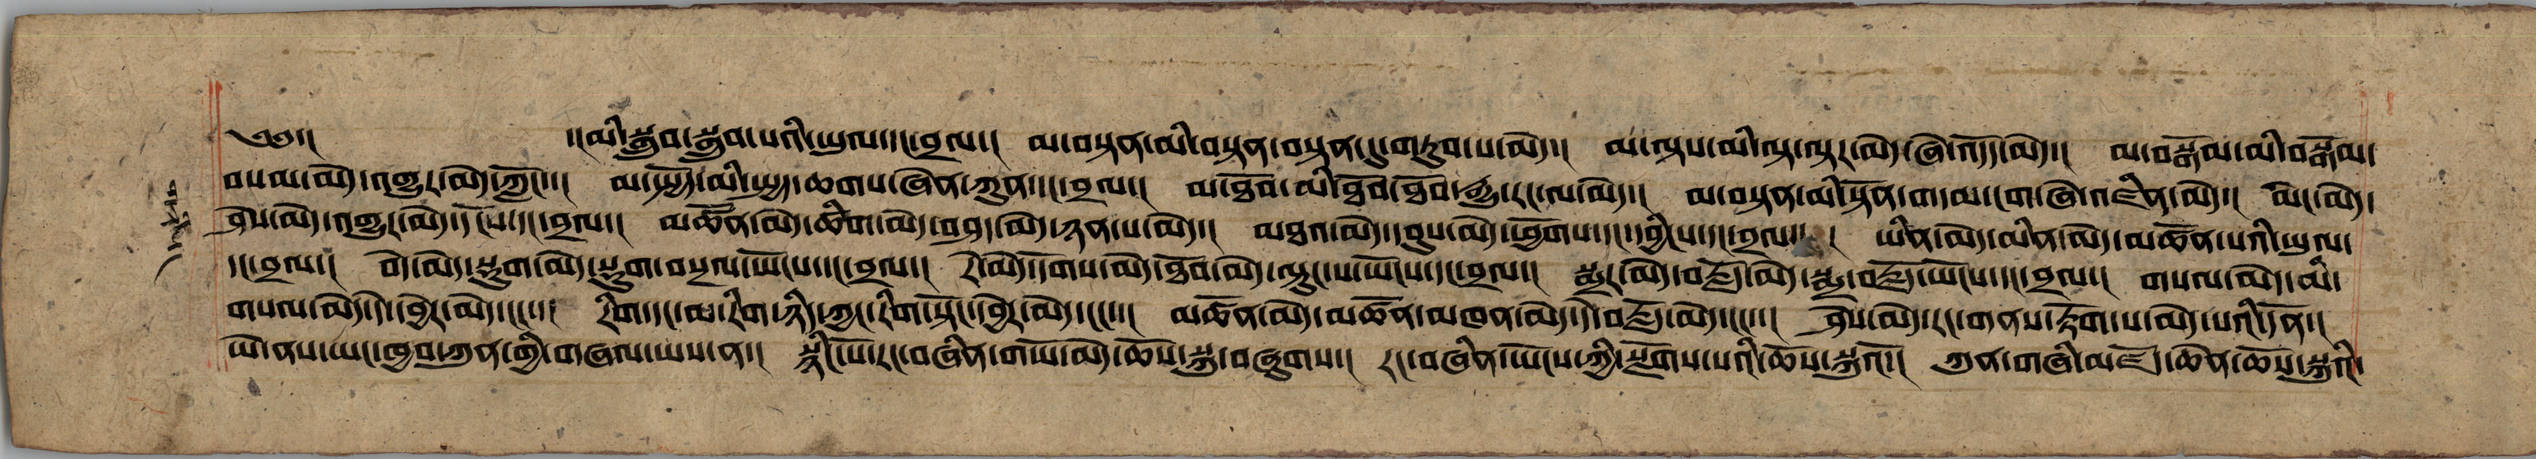༄༅་། ་།མི་སྒྲུབ་སྒྲུབ་པའི་ཡུལ་དང་བྲལ་། མ་བསྟན་མི་བསྟན་བསྟན་དུ་གཏུབ་པ་མེད་། མ་ལྟས་མི་ལྟ་ལྟར་མེད་ཞེ་འདོད་མེད་། མ་བསྒོམ་མི་བསྒོམ་
བསམ་མེད་འགྱུར་མེད་ཀློང་་། མ་སྤྱོད་མི་སྤྱད་ཆགས་ཞེན་ཀུན་དང་བྲལ་། མ་ཐོབ་མི་ཐོབ་ཐོབ་རྒྱུ་རང་ལ་མེད་། མ་བསྟན་མི་སྟོན་གདམ་ངག་ཞེ་འཛིན་མེད་། ཡེང་མེད་
ཤེས་མེད་འགྱུར་མེད་དངོས་དང་བྲལ་། མཚོན་མེད་ཚིག་མེད་བཤད་མེད་ཉན་པ་མེད་། མཐའ་མེད་དབུས་མེད་ཕྱོགས་དང་དབྱིངས་དང་བྲལ་། ཡིན་མེད་མིན་མེད་མཚོན་པའི་ཡུལ་
དང་བྲལ་། བདེ་མེད་སྡུག་མེད་སྡུག་བསྔལ་ཡོངས་དང་བྲལ་། རེ་མེད་དོགས་མེད་ཐོབ་མེད་ལྟུང་པ་ཡོངས་དང་བྲལ་། སྨྲར་མེད་བརྗོད་མེད་སྨྲ་བརྗོད་ཡོངས་དང་བྲལ་། གསལ་མེད་མི་
གསལ་མེད་དེ་དབྱེར་མེད་ངང་་། རིག་དང་མ་རིག་ཉིད་ཀྱང་རིག་སྟོང་དབྱེར་མེད་ངང་་། མཚོན་མེད་མཚོན་མཁན་མེད་དེ་བརྗོད་མེད་ངང་་། ཤེས་མེད་རང་གནས་རྟོག་པ་མེད་པའི་དོན་།
ཡེ་ནས་ཡང་ཁྱབ་ཀུན་ཀྱི་གཞལ་ཡས་ན་། སྙིང་པོ་རང་བཞིན་གཡོ་མེད་ཆོས་སྐུ་བཞུགས་། རང་བཞིན་ཡོངས་ཀྱི་སྫོགས་པའི་ཆོས་སྐུའོ་། ཀུན་གཞི་མཛོད་ཆེན་ཆོས་སྐུའི་